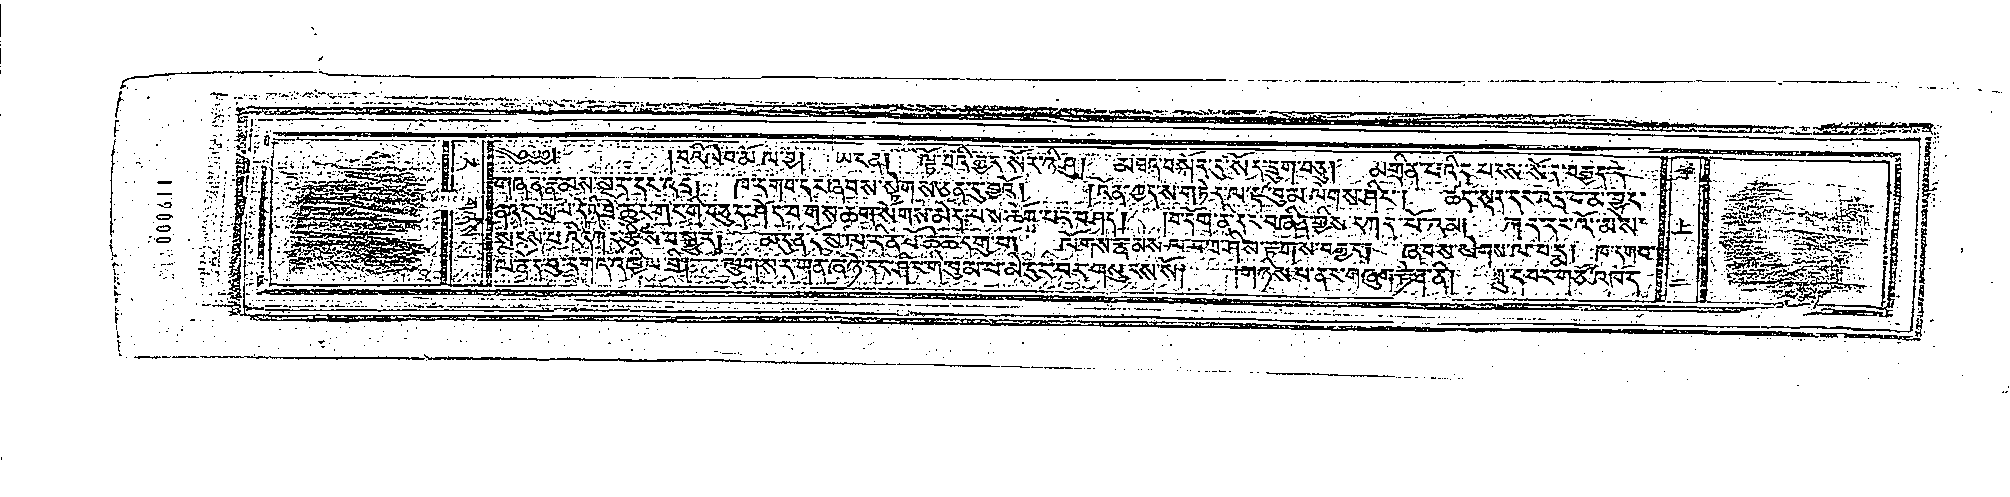༄༅༅། །བའི་ལེབ་མོ་ལ་བྱ། ཡང་ན། ལྟོ་བའི་རྒྱར་སོར་ཉི་ཤུ། མཐའ་བསྐོར་དུ་སོར་དྲུག་བཅུ། མགྲིན་པའི་དཔངས་སོར་བརྒྱད་དེ་
གཞན་རྣམས་སྔར་དང་འདྲ། ཁ་དགབ་དང་ཞབས་སྟེགས་ཅན་དུ་བྱའོ། །འོན་ཀྱང་ས་གཏེར་ལ་རྫ་བུམ་ལེགས་ཤིང་། ཚད་སྔར་དང་འདྲ་བ་མ་བྱུང་
ནའང་ཡུལ་དེའི་བྲེ་ཆུང་གང་གི་བཅུད་ཤོད་བ་གས་ཆག་སོགས་མེད་པས་ཆོག་པར་བཤད། ཁ་དོག་ནི་རང་བཞིན་གྱིས་དཀར་པོ་འམ། ཀར་དང་འོ་མས་
སྤངས་པའི་དཀར་རྩིས་བསྒྱུར། མདུན་དོས་ལ་རིན་པོ་ཆེ་ཆ་དགུ་པ། ལོགས་རྣམས་ལ་བཀྲ་ཤིས་རྟགས་བརྒྱད། ཞབས་སྲེགས་ལ་པདམ། ཁ་དགབ་
ལ་ནོར་བུ་དགའ་འཁྱིལ་བྲི། ལྕགས་ད་གན་ཞ་ཉེ་དང་ཤིང་གི་བུམ་པ་མི་རུང་བར་གསུངས་སོ། །གཉིས་པ་ནང་གཞུག་རྟེན་ནི། ཀླུ་དབང་གཙོ་འཁོར་